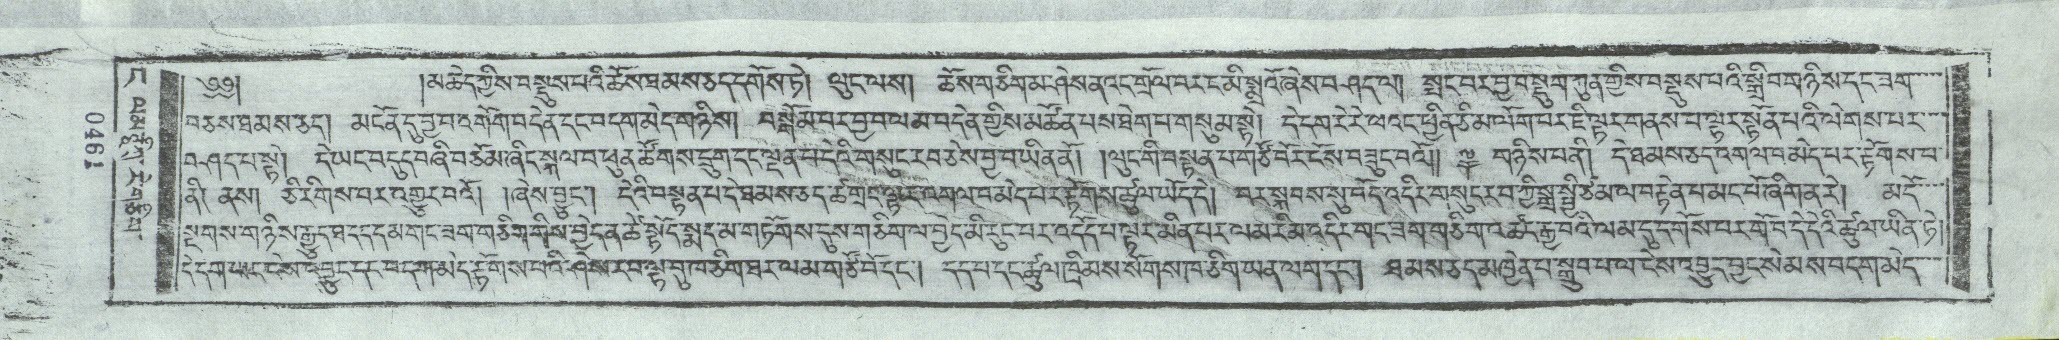༄༅། །མཆེད་ཀྱིས་བསྡུས་པའི་ཆོས་ཐམས་ཅད་དགོས་ཏེ། ལུང་ལས། ཆོས་གཅིག་མ་ཤེས་ནའང་གྲོལ་བར་ང་མི་སྨྲའོ་ཞེས་བཤད་ལ། སྤང་བར་བྱ་བ་བསྡུག་ཀུན་གྱིས་བསྡུས་པའི་སྒྲིབ་གཉིས་དང་ཟག་
བཅས་ཐམས་ཅད། མངོན་དུ་བྱ་བ་འགོག་བདེན་དང་བདག་མེད་གཉིས། བསྒོམ་པར་བྱ་བ་ལམ་བདེན་གྱིས་མཚོན་པས་ཐེག་པ་གསུམ་སྟེ། དེ་དག་རེ་རེ་ལའང་ཕྱིན་ཅི་མ་ལོག་པར་ཇི་ལྟར་གནས་པ་ལྟར་སྟོན་པའི་ལེགས་པར་
བཤད་པ་སྟེ། དེ་ཡང་བདུད་བཞི་བཅོམ་ཞིང་སྐལ་བ་ཕུན་ཚོགས་དྲུག་དང་ལྡན་པ་དེའི་གསུང་རབ་ཅེས་བྱ་བ་ཡིན་ནོ། །ལུང་གི་བསྟན་པ་གཙོ་བོར་ངོས་བཟུང་བའོ།། ༈ གཉིས་པ་ནི། དེ་ཐམས་ཅད་འགལ་བ་མིད་པར་རྟོགས་པ་
ནི༑ ནས། ཅི་རིགས་པར་འགྱུར་བའོ། །ཞེས་བྱུང་། དེའི་བསྟན་པ་དེ་ཐམས་ཅད་ཚ་གྲང་ལྟར་འགལ་བ་མེད་པར་རྟོགས་ཚུལ་ཡོད་དེ། བར་སྐབས་སུ་བོད་འདིར་གསུང་རབ་ཀྱི་སྒྲ་སྤྱི་ཙམ་ལ་བརྟེན་པ་མང་པོ་ཞིག་ན་རེ། མདོ་
སྔགས་གཉིས་རྒྱུད་ཐ་དད་དམ་གང་ཟག་གཅིག་གིས་བྱེད་ན་ཚེ་སྟོད་སྨད་མ་གཏོགས་དུས་གཅིག་ལ་བྱེད་མི་རུང་བར་འདོད་པ་ལྟར་མིན་པར་ལམ་རིམ་འདིར་གང་ཟག་གཅིག་འཚང་རྒྱ་བའི་ལམ་དུ་དགོས་པར་གོ་བ་དེ་དེའི་ཚུལ་ཡིན་ཏེ།
དེ་དག་ཡང་ངེས་འབྱུང་དང་བདག་མེད་རྟོགས་པའི་ཤེས་རབ་ལྟ་བུ་ཁ་ཅིག་ཐར་ལམ་གཙོ་བོ་དང་། དད་པ་དང་ཚུལ་ཁྲིམས་སོགས་ཁ་ཅིག་ཡན་ལག་དང་། ཐམས་ཅད་མཁྱེན་པ་སྒྲུབ་པ་ལ་ངེས་འབྱུང་བྱང་སེམས་བདག་མེད་